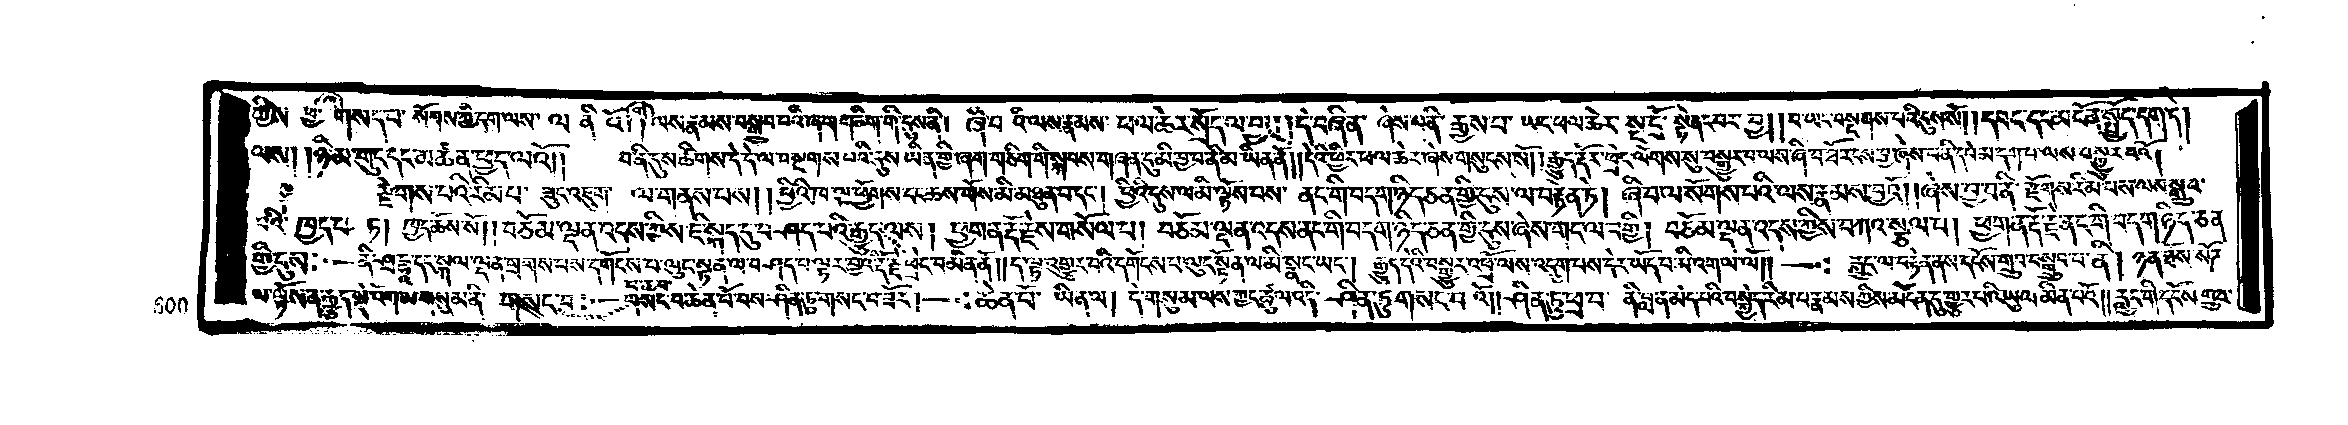ཀྱིས་?ཀ྄་ཁྱོད་?་གསོད་པ་སོགས་ཀྱི་དྲག་ལས་ལ་ནི་འོ། ། ?ག྄་ལས་རྣམས་བསྒྲུབ་པའི་ཞག་གཅིག་གི་དུས་ནི། ཞི་བའི་ལས་རྣམས་ཕལ་ཆེར་སྲོད་ལ་བྱ། །དེ་བཞིན་ཞེས་པ་ནི་རྒྱས་པ་ཡང་ཕལ་ཆེར་སྔ་དྲོ་སྟེ་ནང་བར་བྱ། །བ་ཡང་བསྡགས་པའི་དུས་སོ། །དབང་དང་མངོན་སྤྱད་དག་གི་?
ལས། །ཉི་མ་གུང་དང་མཚོན་ཕྱད་ལའོ། ། བ་ནི་དུས་ཚིགས་དེ་དེ་ལ་བསྔགས་པའི་དུས་ཡིན་གྱི་ཞག་གཅིག་གི་སྐབས་གཞན་དུ་མི་བྱ་བ་ནི་མ་ཡིན་ནོ། །དེའི་ཕྱིར་ཕལ་ཆེར་ཞེས་གསུངས་སོ། །རྒྱུད་རྡོར་ཕྲེང་ལོགས་སུ་བསྒྱུར་བ་ལས་ཞི་བ་ཐོ་རངས་བྱ་ཞེས་པ་ནི་དཔེ་མ་དག་པ་ལས་བསྒྱུར་བའོ།
༈ རྫོགས་པའི་རིམ་པ་ཟུང་འཇུག་ལ་གནས་པས། །ཕྱིའི་ཁ་ལྟ་ཕྱོགས་དང་ཆས་གོས་མི་མཐུན་པ་དང་། ཕྱིའི་དུས་ལ་མི་ལྟོས་པས་ནང་གི་བདག་ཉིད་ཅན་གྱི་དུས་ལ་བརྟེན་ཏེ། ཞི་བ་ལ་སོགས་པའི་ལས་རྣམས་བྱའོ། །ཞེས་བྱ་བ་ནི་རྫོགས་རིམ་པས་ལས་སྒྲུབ་
པའི་ཁྱད་པར་ཏེ། ཁྱད་ཆོས་སོ། །བཅོམ་ལྡན་འདས་ཀྱིས་ཇི་སྐད་དུ་བཤད་པའི་རྒྱུད་ལས། ཕྱག་ན་རྡོ་རྗེས་གསོལ་པ། བཅོམ་ལྡན་འདས་ནང་གི་བདག་ཉིད་ཅན་གྱི་དུས་ཞེས་གང་ལ་བགྱི། བཅོམ་ལྡན་འདས་ཀྱིས་བཀའ་སྩལ་པ། ཕྱག་ན་རྡོ་རྗེ་ནང་གི་བདག་ཉིད་ཅན་
གྱི་དུས་H.་ནི་ཤྲདྷཱ་དང་སྐལ་ལྡན་གྲགས་པས་དགོངས་པ་ལུང་སྟན་ལ་བཤད་པ་ལྟར་བྱའི་རྡོ་རྗེ་ཕྲེང་བ་མིན་ནོ། །དེ་ལྟ་འགྱུར་བའི་དགོངས་པ་ལུང་སྟོན་ལ་མི་སྣང་ཡང་། རྒྱུད་དེའི་བསྒྱུར་འཕྲོ་ལས་འདུག་པས་དེར་ཡོད་པ་མི་འགལ་ལོ།། .H རླུང་ལ་བརྟེན་ནས་དངོས་གྲུབ་བསྒྲུབ་པ་ནི། ཉན་ཐོས་སཌ་
ལ་ལྟོས་ན་རྒྱུད་སྡེ་འོག་མ་གསུམ་ནི་གསང་བ་H.་པ་ཚབ་གསང་བ་ཆེན་པོ་བས་ཤིན་ཏུ་གསང་བ་ཟེར། .H ཆེན་པོ་ཡིན་ལ། དེ་གསུམ་ལས་ཀྱང་ཚུལ་འདི་ཤིན་ཏུ་གསང་བའོ། །ཤིན་ཏུ་ཕྲ་བ་ནི་བླ་ན་མེད་པའི་བསྐྱེད་རིམ་པ་རྣམས་ཀྱིས་མངོན་དུ་གྱུར་པའི་ཡུལ་མིན་པའོ། །རླུང་གི་དངོས་གྲུབ་